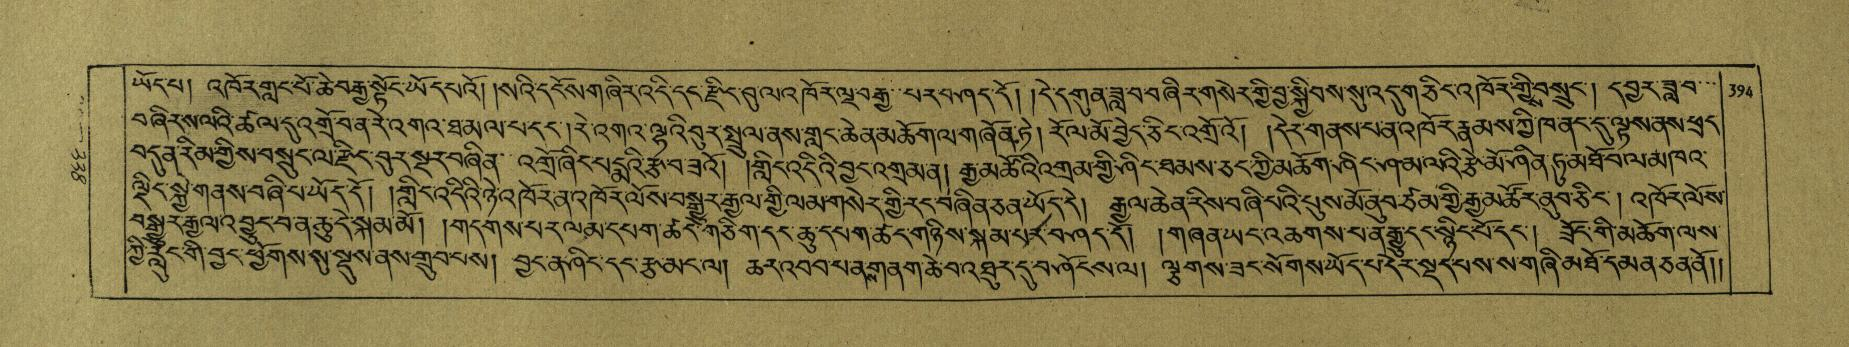ཡོད་པ། འཁོར་གླང་པོ་ཆེ་བརྒྱ་སྟོང་ཡོད་པའོ། །སའི་དངོས་གཞིར་འདི་དང་རྫིང་བུ་ལ་འཁོར་ལྔ་བརྒྱ་པར་བཤད་དོ། །དེ་དགུན་ཟླ་བ་བཞིར་གསེར་གྱི་བྱ་སྐྱིབས་སུ་འདུ་གཅིང་འཁོར་གྱིས་བསྲུང་། དབྱར་ཟླ་བ་
བཞིར་ས་ལའི་ཚལ་དུ་འགྲོ་བ་ན་རེ་འགའ་ཐ་མལ་པ་དང་། རེ་འགའ་ལྷའི་བུར་སྤྲུལ་ནས་གླང་ཆེན་མཆོག་ལ་གཞོན་ཏེ། རོལ་མོ་བྱེད་ཅིང་འགྲོའོ། །དེར་གནས་པ་ན་འཁོར་རྣམས་ཀྱི་ཁ་ནང་དུ་ལྟས་ནས་ཕྲད་
བདུན་རིམ་གྱིས་བསྲུང་ལ་རྫིང་བུར་སྔར་བཞིན་འགྲོ་ཞིང་པདམའི་རྩ་བ་ཟའོ། །གླིང་འདིའི་བྱང་འགྲམ་ན། རྒྱ་མཚོའི་འགྲམ་གྱི་ཤིང་ཐམས་ཅད་ཀྱི་མཆོག་ཤིང་ཤ་མ་ལའི་རྩེ་མོ་ཤིན་ཏུ་མཐོ་བ་ལ་མཁའ་
ལྡིང་སྐྱེ་གནས་བཞི་པ་ཡོད་དོ། །གླིང་འདིའི་ཉེ་འཁོར་ན་འཁོར་ལོས་བསྒྱུར་རྒྱལ་གྱི་ལམ་གསེར་གྱི་རང་བཞིན་ཅན་ཡོད་དེ། རྒྱལ་ཆེན་རིས་བཞི་པའི་པུས་མོ་ནུབ་ཙམ་གྱི་རྒྱ་མཚོར་ནུབ་ཅིང་། འཁོར་ལོས་
བསྒྱུར་རྒྱལ་འབྱུང་བ་ན་ཆུ་དེ་སྐམ་མོ། །གདགས་པར་ལམ་དཔག་ཚང་གཅིག་དང་ཆུ་དཔག་ཚད་གཉིས་སྐམ་པར་བཤད་དོ། །གཞན་ཡང་འཆགས་པ་ན་རྒྱུ་དང་སྙིང་པོ་དང་། ཟོང་གི་མཆོག་ལས་
ཀྱི་རླུང་གི་བྱང་ཕྱོགས་སུ་སྡུས་ནས་གྲུབ་པས། བྱང་ན་ཤིང་དང་རྩ་མང་ལ། ཆར་འབབ་པ་ནས་གནག་ཆེ་བ་འཐུར་དུ་བཤོངས་ལ། ལྕགས་ཟང་སོགས་ཡོད་པ་དེར་སྡད་པས་ས་གཞི་མཐོ་དམན་ཅན་ནོ།།